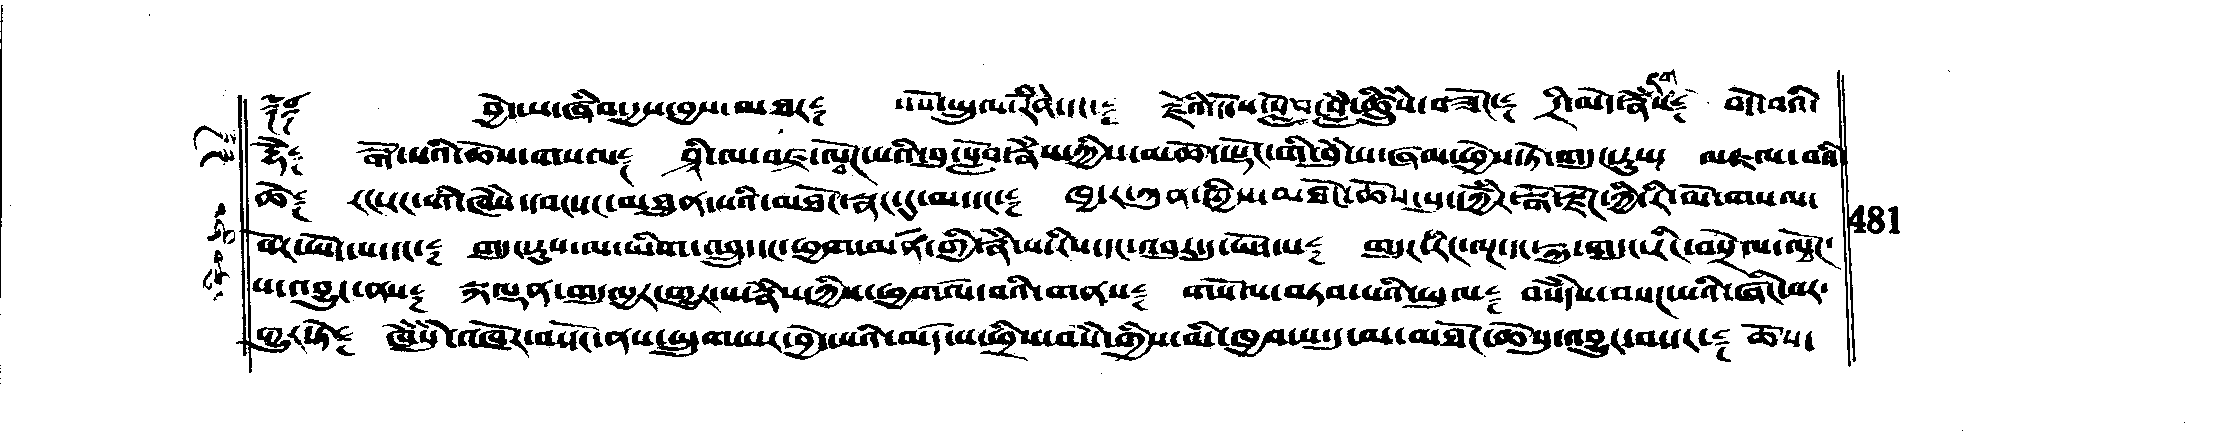བྱེད་པ་ཞིབ་རྒྱས་བྱས་མཐར། བསོ་སྤྲུལ་རིན་པོ་ཆེ་དང་། རྗེའི་དངོས་སློབ་བླ་མ་ཚུལ་ཁྲིམས་བཟང་པོ། དྲི་མེད་རྣམ་དག བདེ་བའི་
རྡོ་རྗེ། སྒོ་པའི་ཆོས་གསལ། ཤཱི་ལ་བཛྲ་ལ་སོགས་པའི་བུ་སློབ་རྣམས་ཀྱིས་མཆོད་སྡོང་གི་བུམ་པ་ཞལ་ཕྱེས་ཏེ་གདུང་རུས། མཇལ་བའི་
ཚེ། རང་རང་གི་ཁམས་དབང་དང་མཐུན་པའི་མཐོང་སྣང་དུ་མ་དང་། ཁྱད་པར་ཀུན་གྱིས་མཐོང་ཆོས་སུ་དཀྱིལ་འཁོར་སྒོ་རྫོགས་ཀྱི་རི་མོ་གསལ་
པོར་ཡོད་པ་དང་། གདུང་རུས་ལ་ཡིག་འབྲུ་དང་ཕྱག་མཚན་གྱི་རྣམ་པ་རིས་དང་འབུར་དུ་ཡོད་པ། གདུང་རིགས་ལྔ་དང་སྐུ་གདུང་རིང་བསྲེལ་ལ་སོགས་
པ་བྱུང་ནས། སྐལ་ལྡན་གདུལ་བྱར་གྱུར་པ་རྣམས་ཀྱིས་ཕྱག་འཚལ་བའི་གནས། གསོལ་བ་བཏབ་པའི་ཡུལ། བསོད་ནམས་བསགས་པའི་ཞིང་སར་
གྱུར་ཏེ། ཁམས་གསུམ་འཁོར་བ་དོང་ནས་སྤྲུག་པར་བྱེད་པའི་མཛད་པ་ཕྲིན་ལས་བསམ་གྱིས་མི་ཁྱབ་པ་དུ་མ་མཐོང་ཆོས་སུ་བྱུང་བ་དང་། ཆོས་